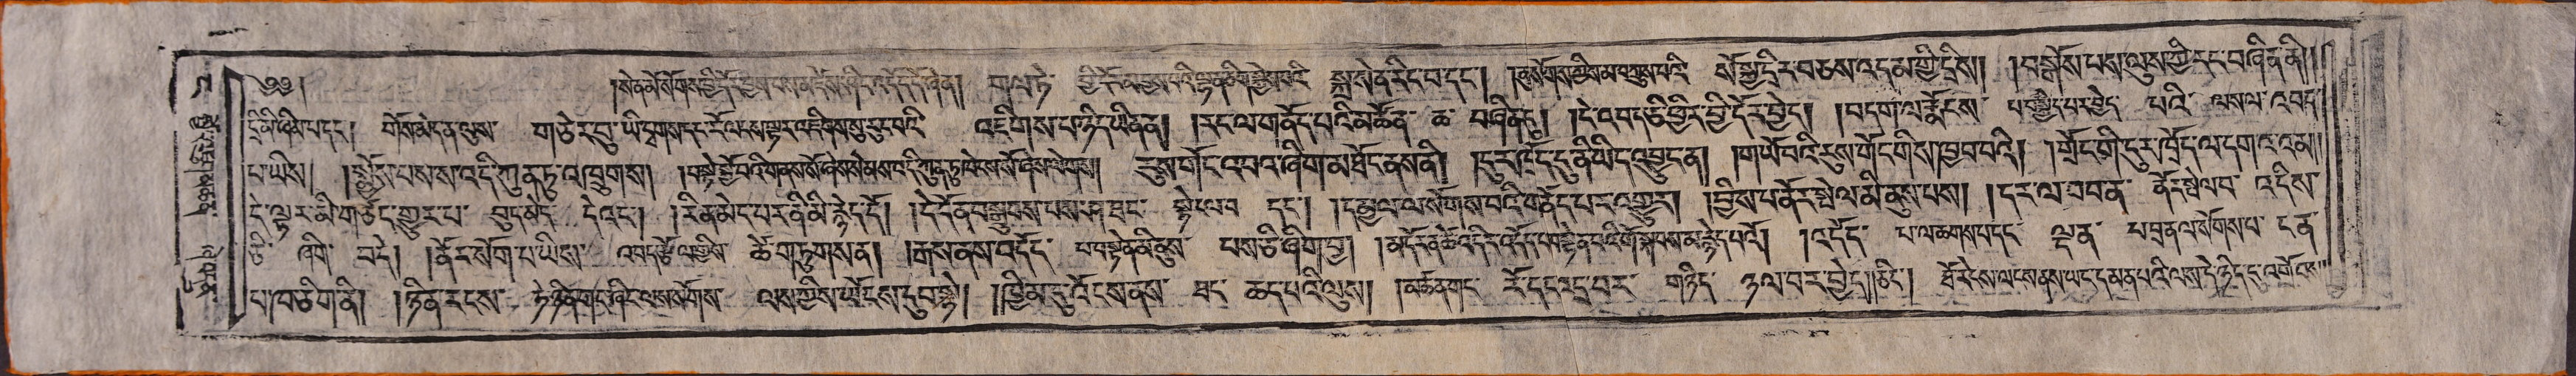༄༅། ། སེན་མོ་སོགས་བྱི་དོར་བྱས་པས་མཛེས་ཤིང་འདོད་དོ་ཞེ་ན།  གལ་ཏེ་བྱི་དོར་མ་བྱས་པའི་ལྷན་ཅིག་སྐྱེས་པའོ་སྐྲ་སེན་རིང་བ་དང་། །ཆུ་སོགས་ཀྱིས་མ་བཀྲུས་པའི་སོ་སྐྱ་དྲིར་བཅས་འདམ་གྱི་དྲིས། །བསྒོས་པས་ལུས་ཀྱི་རང་བཞིན་ནི། །
དྲི་མི་ཞིམ་པ་དང་། གོས་མེད་ན་ལུས་གཅེར་བུ་ཡི་དྭགས་དང་རོ་ལངས་ལྟར་འཇིགས་སུ་རུང་བའི་འཇིགས་པ་ཉིད་ཡིན་ན། །རང་ལ་གནོད་པའི་མཚོན་ཆ་བཞིན་དུ། །དེ་འབད་ཅི་ཕྱིར་བྱི་དོར་བྱེད། །བདག་ལ་རྨོངས་པ་བསྐྱེད་པར་བྱེད་པའི་ལས་ལ་འབད་
པ་ཡིས། །སྨྱོས་པས་ས་འདི་ཀུན་ཏུ་འཁྲུགས། །པ་སྟེ་སྐྱོ་བའི་གནས་སོ་ཞེས་སམས་འདི་ཀུན་ཏུ་ཁེངས་སོ་ཞེས་ལེགས།  རུས་གོང་འབའ་ཞིག་མཐོང་ནས་ནི། །དུར་ཁྲོད་དུ་ནི་ཡིད་འབྱུང་ན། །གཡོ་བའི་རུས་གོང་གིས་ཁྱབ་པའི། །གྲོང་གི་དུར་ཁྲོད་ལ་དགའ་འམ།།
དེ་ལྟར་མི་གཙང་གྱུར་པ་བུད་མེད་དེ་འང་། །རིན་མེད་པར་ནི་མི་རྙེད་དོ། །དེ་དོན་བསྒྲུབས་པས་ཤ་ཐང་། སྟེ་ངལ་བ་དང་། །དམྱལ་ལ་སོགས་པའི་གནོད་པར་འགྱུར། །བྱིས་པ་ནོར་སྤེལ་མི་ནུས་པས། །དར་ལ་བབ་ན་ནོར་སྤེལ་བ་འདིས་
ཅི་ཞིག་བདེ། །ནོར་སོགས་པ་ཡིས་འབད་རྩོལ་གྱིས་ཚེ་གཏུགས་ན། །རྒས་ནས་འདོད་པ་བསྟེན་མི་ནུས་པས་ཅི་ཞིག་བྱ། །མདོར་ན་ཚེ་འདིར་འདོད་པ་བསྟེན་པའི་གོ་སྐབས་མ་རྙེད་པའོ། །འདོད་པ་ལ་ཆགས་པ་དང་ལྡན་པ་བྲན་ལ་སོགས་པ་ངན་
པ་ཁ་ཅིག་ནི། །ཉིན་རངས་ཏེ་ཉིན་གང་ཞིང་ལས་སོགས་ལས་ཀྱིས་ཡོངས་དུབ་སྟེ། །ཁྱིམ་དུ་འོངས་ནས་ཐང་ཆད་པའི་ལུས། །མཚན་གང་རོ་དང་འདྲ་བར་གཉིད་ཉལ་བར་བྱེད། །ཅིང་། ཐོ་རེངས་ལངས་ནས་ཡང་དམན་པའི་ལས་དེ་ཉིད་དུ་འགྲོ་བས།